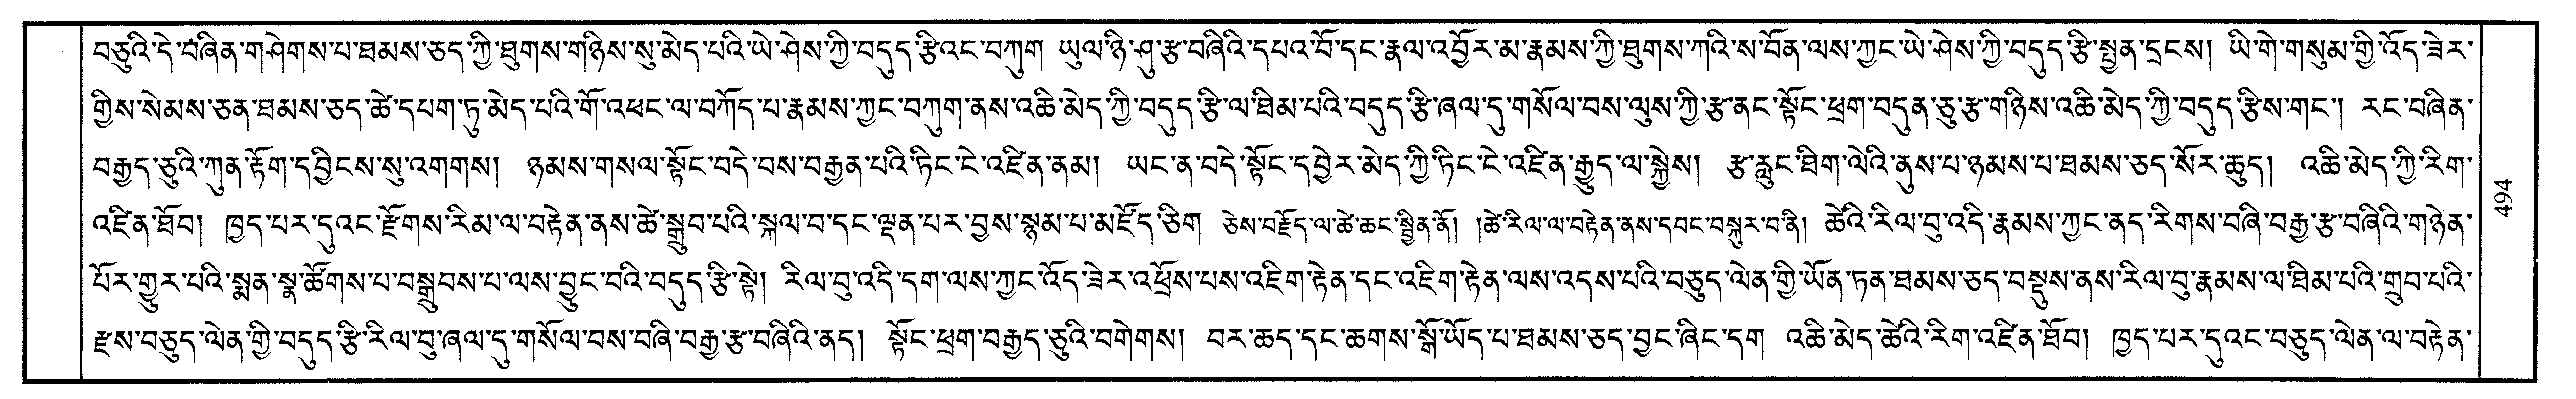བཅུའི་དེ་བཞིན་གཤེགས་པ་ཐམས་ཅད་ཀྱི་ཐུགས་གཉིས་སུ་མེད་པའི་ཡེ་ཤེས་ཀྱི་བདུད་རྩིའང་བཀུག་ཡུལ་ཉི་ཤུ་རྩ་བཞིའི་དཔའ་བོ་དང་རྣལ་འབྱོར་མ་རྣམས་ཀྱི་ཐུགས་ཀའི་ས་བོན་ལས་ཀྱང་ཡེ་ཤེས་ཀྱི་བདུད་རྩི་སྤྱན་དྲངས། ཡི་གེ་གསུམ་གྱི་འོད་ཟེར་
གྱིས་སེམས་ཅན་ཐམས་ཅད་ཚེ་དཔག་ཏུ་མེད་པའི་གོ་འཕང་ལ་བཀོད་པ་རྣམས་ཀྱང་བཀུག་ནས་འཆི་མེད་ཀྱི་བདུད་རྩི་ལ་ཐིམ་པའི་བདུད་རྩི་ལ་ཞལ་དུ་གསོལ་བས་ལུས་ཀྱི་རྩ་ནང་སྟོང་ཕྲག་བདུན་ཅུ་རྩ་གཉིས་འཆི་མེད་ཀྱི་བདུད་རྩིས་གང་། རང་བཞིན་
བརྒྱད་ཅུའི་ཀུན་རྟོག་དབྱིངས་སུ་འགགས། ཉམས་གསལ་སྟོང་བདེ་བས་བརྒྱན་པའི་ཏིང་ངེ་འཛིན་ནམ། ཡང་ན་བདེ་སྟོང་དབྱེར་མེད་ཀྱི་ཏིང་ངེ་འཛིན་རྒྱུད་ལ་སྐྱེས། རྩ་རླུང་ཐིག་ལེའི་ནུས་པ་ཉམས་པ་ཐམས་ཅད་སོར་ཆུད། འཆི་མེད་ཀྱི་རིག་
འཛིན་ཐོབ། ཁྱད་པར་དུའང་རྫོགས་རིམ་ལ་བརྟེན་ནས་ཚེ་སྒྲུབ་པའི་སྐལ་བ་དང་ལྡན་པར་བྱས་སྙམ་པ་མཛོད་ཅིག། ཅེས་བརྗོད་ལ་ཚེ་ཆང་སྦྱིན་ནོ། །ཚེ་རིལ་ལ་བརྟེན་ནས་དབང་བསྐུར་བ་ནི། ཚེའི་རིལ་བུ་འདི་རྣམས་ཀྱང་ནད་རིགས་བཞི་བརྒྱ་རྩ་བཞིའི་གཉེན་
པོར་གྱུར་པའི་སྨན་སྣ་ཚོགས་པ་བསྒྲུབས་པ་ལས་བྱུང་བའི་བདུད་རྩི་སྟེ། རིལ་བུ་འདི་དག་ལས་ཀྱང་འོད་ཟེར་འཕྲོས་པས་འཇིག་རྟེན་དང་འཇིག་རྟེན་ལས་འདས་པའི་བཅུད་ལེན་གྱི་ཡོན་ཏན་ཐམས་ཅད་བསྡུས་ནས་རིལ་བུ་རྣམས་ལ་ཐིམ་པའི་གྲུབ་པའི་
རྫས་བཅུད་ལེན་གྱི་བདུད་རྩི་རིལ་བུ་ཞལ་དུ་གསོལ་བས་བཞི་བརྒྱ་རྩ་བཞིའི་ནད། སྟོང་ཕྲག་བརྒྱད་བཅུའི་བགེགས། བར་ཆད་དང་ཆགས་སྒོ་ཡོད་པ་ཐམས་ཅད་བྱང་ཞིང་དག་འཆི་མེད་ཚེའི་རིག་འཛིན་ཐོབ། ཁྱད་པར་དུའང་བཅུད་ལེན་ལ་བརྟེན་